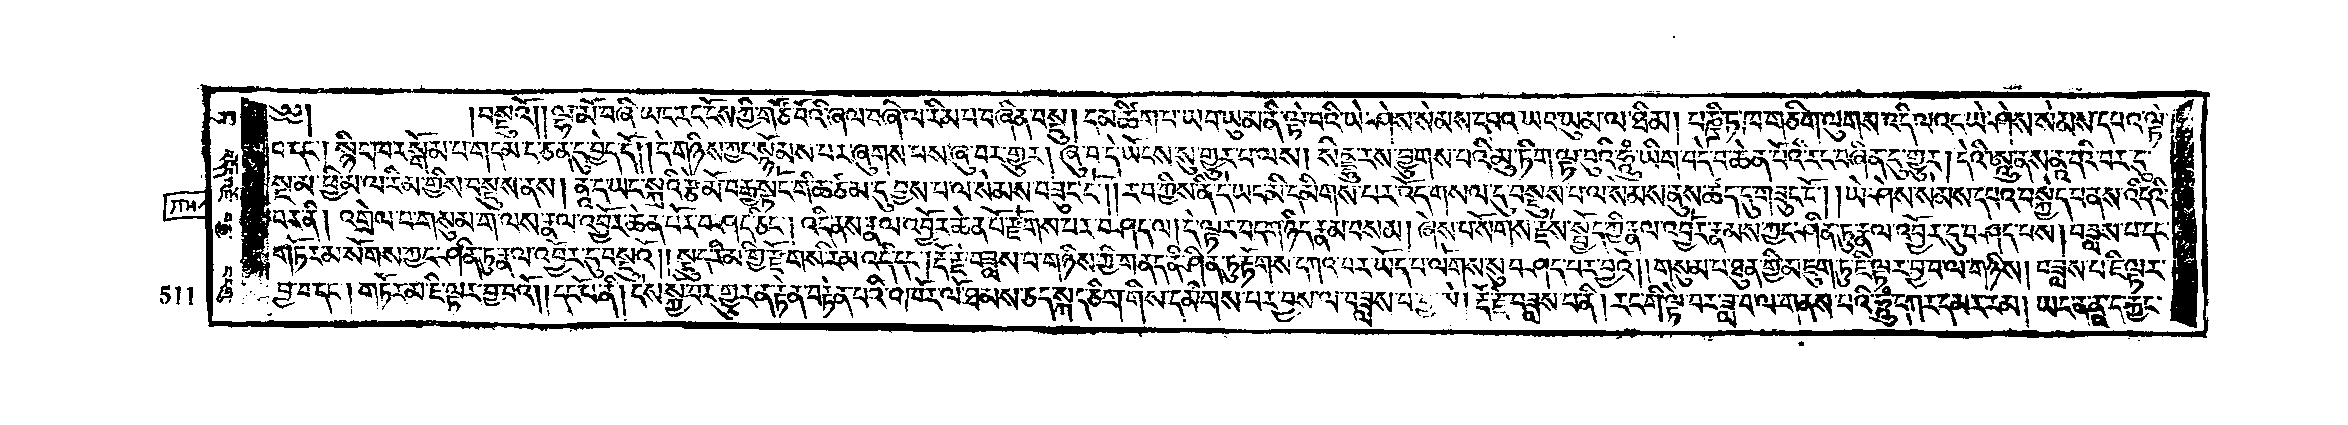༄༅། །བསྡུའོ། །ལྷ་མོ་བཞི་ཡང་རང་ངོས་ཀྱི་གཙོ་བོའི་ཞལ་བཞི་ལ་རིམ་པ་བཞིན་བསྡུ། དམ་ཚིག་པ་ཡབ་ཡུམ་ནི་ལྟེ་བའི་ཡེ་ཤེས་སེམས་དཔའ་ཡབ་ཡུམ་ལ་ཐིམ། པཎྜི་ཏ་ཁ་གཅིག་ལུགས་འདི་ལའང་ཡེ་ཤེས་སེམས་དཔའ་ལྟེ་
བ་དང་། སྙིང་ཁར་སྒོམ་པ་གདམ་ང་ཅན་དུ་བྱེད་དོ། །དེ་གཉིས་ཀྱང་སྙོམས་པར་ཞུགས་པས་ཞུ་བར་གྱུར། ཞུ་བ་དེ་ཡོངས་སུ་གྱུར་པ་ལས། སིནྡྷུ་རས་བྱུགས་པའི་མུ་ཏིག་ལྟ་བུའི་ཧཱུཾ་ཡིག་བདེ་བ་ཆེན་པོའི་རང་བཞིན་དུ་འགྱུར། དེའི་ཨཱུ་ནས་ནཱ་དའི་བར་དུ་
སྔ་མ་ཕྱི་མ་ལ་རིམ་གྱིས་བསྡུས་ནས། ནཱ་ད་ཡང་སྐྲའི་རྩེ་མོ་བརྒྱ་སྟོང་གི་ཆ་ཙམ་དུ་བྱས་པ་ལ་སེམས་བཟུང་ངོ། །རབ་ཀྱིས་ནི་དེ་ཡང་མི་དམིགས་པར་འོད་གསལ་དུ་བསྡུས་པ་ལ་སེམས་ནུས་ཚད་དུ་གཟུང་ངོ། །ཡེ་ཤེས་སེམས་དཔའ་བསྐྱེད་པ་ནས་འདིའི་
བར་ནི། འགྲེལ་པ་གསུམ་ག་ལས་རྣལ་འབྱོར་ཆེན་པོར་བཤད་ཅིང་། འདི་ནས་རྣལ་འབྱོར་ཆེན་པོ་རྫོགས་པར་བཤད་ལ། དེ་ལྟར་བདག་ཉིད་རྣམ་བསམ། ཞེས་པ་སོགས་རྗེས་སྤྱོད་ཀྱི་རྣལ་འབྱོར་རྣམས་ཀྱང་ཤིན་ཏུ་རྣལ་འབྱོར་དུ་བཤད་པས། བཟླས་པ་དང་
གཏོར་མ་སོགས་ཀྱང་ཤིན་ཏུ་རྣལ་འབྱོར་དུ་བསྡུའོ། །སྡུད་རིམ་གྱི་རྫོགས་རིམ་འདི་དང་། རྡོ་རྗེ་བཟླས་པ་གཉིས་ཀྱི་གནད་ནི་ཤིན་ཏུ་རྟོགས་དཀའ་བར་ཡོད་པ་ལོགས་སུ་བཤད་པར་བྱའོ། །གསུམ་པ་ཐུན་གྱི་མཇུག་ཏུ་ཇི་ལྟར་བྱ་བ་ལ་གཉིས། བཟླས་པ་ཇི་ལྟར་
བྱ་བ་དང་། གཏོར་མ་ཇི་ལྟར་བྱ་བའོ། །དང་པོ་ནི། དེས་སྐྱོ་བར་གྱུར་ན་རྟེན་བརྟེན་པའི་འཁོར་ལོ་ཐམས་ཅད་སྐད་ཅིག་གིས་དམིགས་པར་བྱས་ལ་བཟླས་པ་བྱ་སྟེ། རྡོ་རྗེ་བཟླས་པ་ནི། རང་གི་ལྟེ་བར་ཟླ་བ་ལ་གནས་པའི་ཧཱུཾ་དཀར་དམར་རམ། ཡང་ན་ནཱ་ད་རྐྱང་